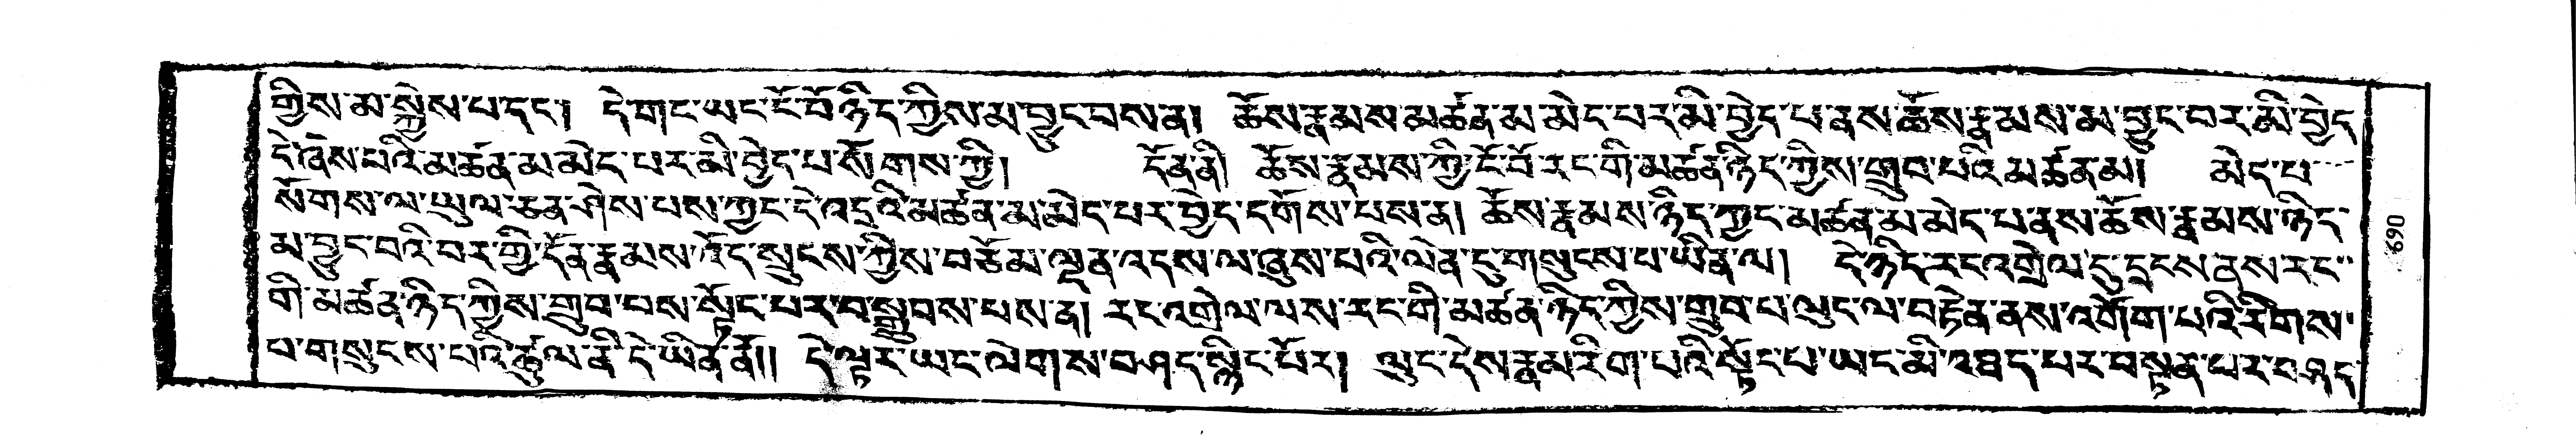གྱིས་མ་སྐྱེས་པ་དང་། དེ་གང་ཡང་ངོ་བོ་ཉིད་ཀྱིས་མ་བྱུང་བས་ན། ཆོས་རྣམས་མཚན་མ་མེད་པར་མི་བྱེད་པ་ནས་ཆོས་རྣམས་མ་བྱུང་བར་མི་བྱེད་
དེ་ཞེས་པའི་མཚན་མ་མེད་པར་མི་བྱེད་པ་སོགས་ཀྱི། དོན་ནི། ཆོས་རྣམས་ཀྱི་ངོ་བོ་རང་གི་མཚན་ཉིད་ཀྱིས་གྲུབ་པའི་མཚན་མ། མེད་པ་
སོགས་ལ་ཡུལ་ཅན་ཤེས་པས་ཀྱང་དེ་འདྲའི་མཚན་མ་མེད་པར་བྱེད་དགོས་པས་ན། ཆོས་རྣམས་ཉིད་ཀྱང་མཚན་མ་མེད་པ་ནས་ཆོས་རྣམས་ཉིད་
མ་བྱུང་བའི་བར་གྱི་དོན་རྣམས་འོད་སྲུངས་ཀྱིས་བཅོམ་ལྡན་འདས་ལ་ཞུས་པའི་ལེན་དུ་གསུངས་པ་ཡིན་ལ། དེ་ཉིད་རང་འགྲེལ་དུ་དྲངས་ནས་རང་
གི་མཚན་ཉིད་ཀྱིས་གྲུབ་པས་སྟོང་པར་བ་བསྒྲུབས་པས་ན། རང་འགྲེལ་ལས་རང་གི་མཚན་ཉིད་ཀྱིས་གྲུབ་པ་ལུང་ལ་བརྟེན་ནས་འགོག་པའི་རིགས་
པ་གསུངས་པའི་ཚུལ་ནི་དེ་ཡིན་ནོ། །དེ་ལྟར་ཡང་ལེགས་བཤད་སྙིང་པོར། ལུང་དེས་རྣམ་རིག་པའི་སྟོང་པ་ཡང་མི་འཐད་པར་བསྟན་པར་བཤད་